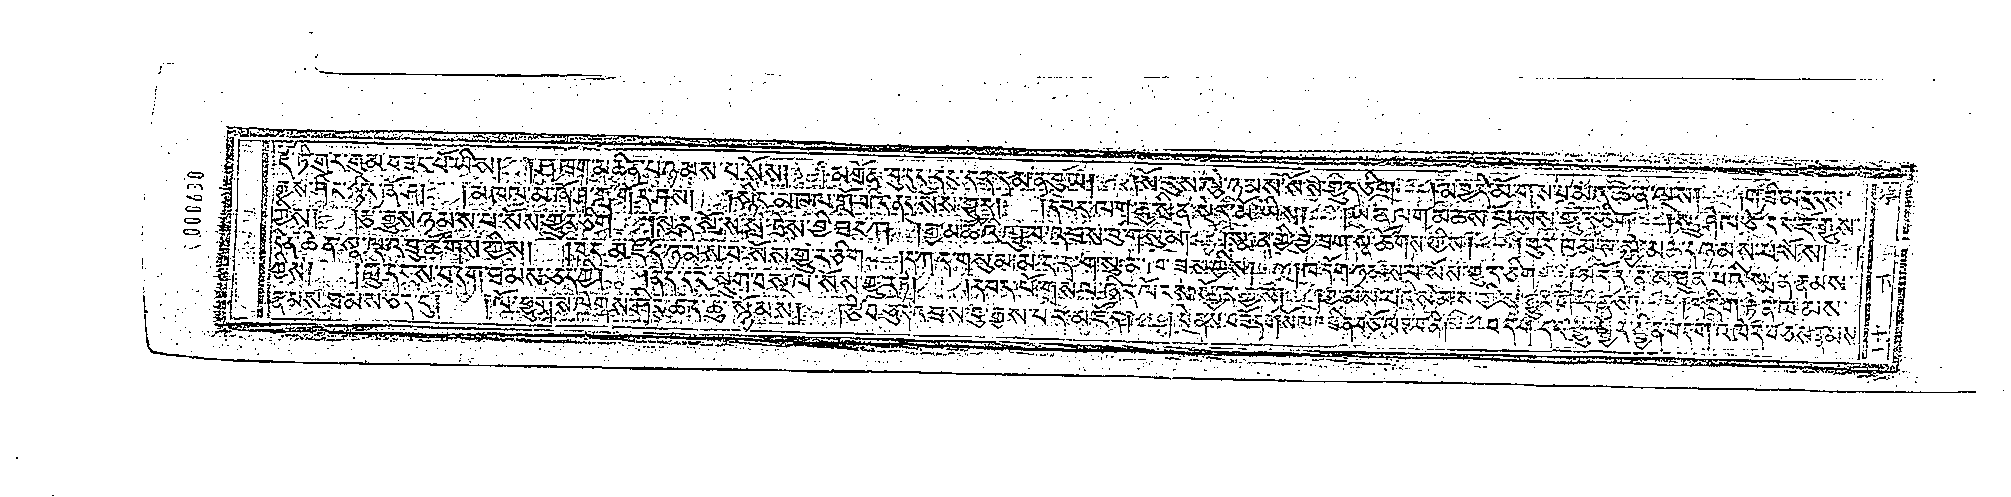ཛ་ཏི་གུར་གུམ་བཟང་པོ་ཡིས། །ཤ་ཁྲག་མཆིན་པ་ཉམས་པ་སོས། །མགྲོན་བུ་དུང་དང་དར་དམན་བུ་ཡི། །སོ་རུས་ལྕེ་ཉམས་སོས་གྱུར་ཅིག །རྨ་བྱ་རི་མོ་གས་པ་མ་འ་ཆེན་ལྔས། །གཟི་མདངས་
རྒྱས་ཤིང་སྙིང་ཞོ་ཤ། །མཁལ་མ་ཞོ་ཤ་གླ་གོར་ཤས། །སྙིང་མཁལ་གློ་བའི་ནད་སོས་གྱུར། །དབང་ལག་ཆུ་སྲིན་སྡེར་མོ་ཡིས། །ཡན་ལག་མཆིས་པ་སོས་གྱུར་ཅིག །སྤུ་ཤེལ་ཙེ་དང་རྡོ་རྒྱུས་
ཀྱིས། །རྩ་རྒྱུས་ཉམས་པ་སོས་གྱུར་ཅིག །སྦད་སྦོ་ས་སླེ་ཏྲེ་སྦྱི་ཐང་ཀ །རྒྱ་མཚོའི་ལྦུ་བ་འབྲས་བུ་གསུམ། །སྨན་གྱི་བྱེ་བྲག་སྣ་ཚོགས་ཀྱིས། །ཕུང་ཁམས་སྐྱེ་མཆེད་ཉམས་པ་སོས། །
རིན་ཆེན་སྣ་ལྔ་འབྲུ་ཚོགས་ཀྱིས། །བར་མཛོད་ཉམས་པ་སོས་གྱུར་ཅིག །དཀར་གསུམ་མངར་གསུམ་ཁ་ཟས་ཀྱིས། །ཁ་དོག་ཉམས་པ་སོས་གྱུར་ཅིག །མདོར་ན་མཐུན་པའི་སྨན་རྣམས་
ཀྱིས། །ཀླུ་དང་ས་བདག་ཐམས་ཅད་ཀྱི། །ནད་དང་སྡུག་བསྔལ་སོས་གྱུར་ཏེ། །དབང་པོ་གསལ་ཞིང་ལོངས་སྤྱོད་རྒྱས། །བྱམས་པའི་སེམས་ཀྱིས་རྒྱུང་གང་ནས། །འཇིག་རྟེན་ཁམས་
རྣམས་ཐམས་ཅད་དུ། །ལོ་ཕྱུགས་ལེགས་ཤིང་ཆང་ཆུ་སྙོམས། །རྩི་བཅུད་འབྲས་བུ་རྒྱས་པར་མཛོད། །དེ་ནས་བཟོད་གསོལ་འཕྲིན་བཅོལ་བྱ་བ་ནི། བདག་དང་རྒྱུ་སྦྱོར་སྦྱིན་བདག་འཁོར་བཅས་རྣམས་